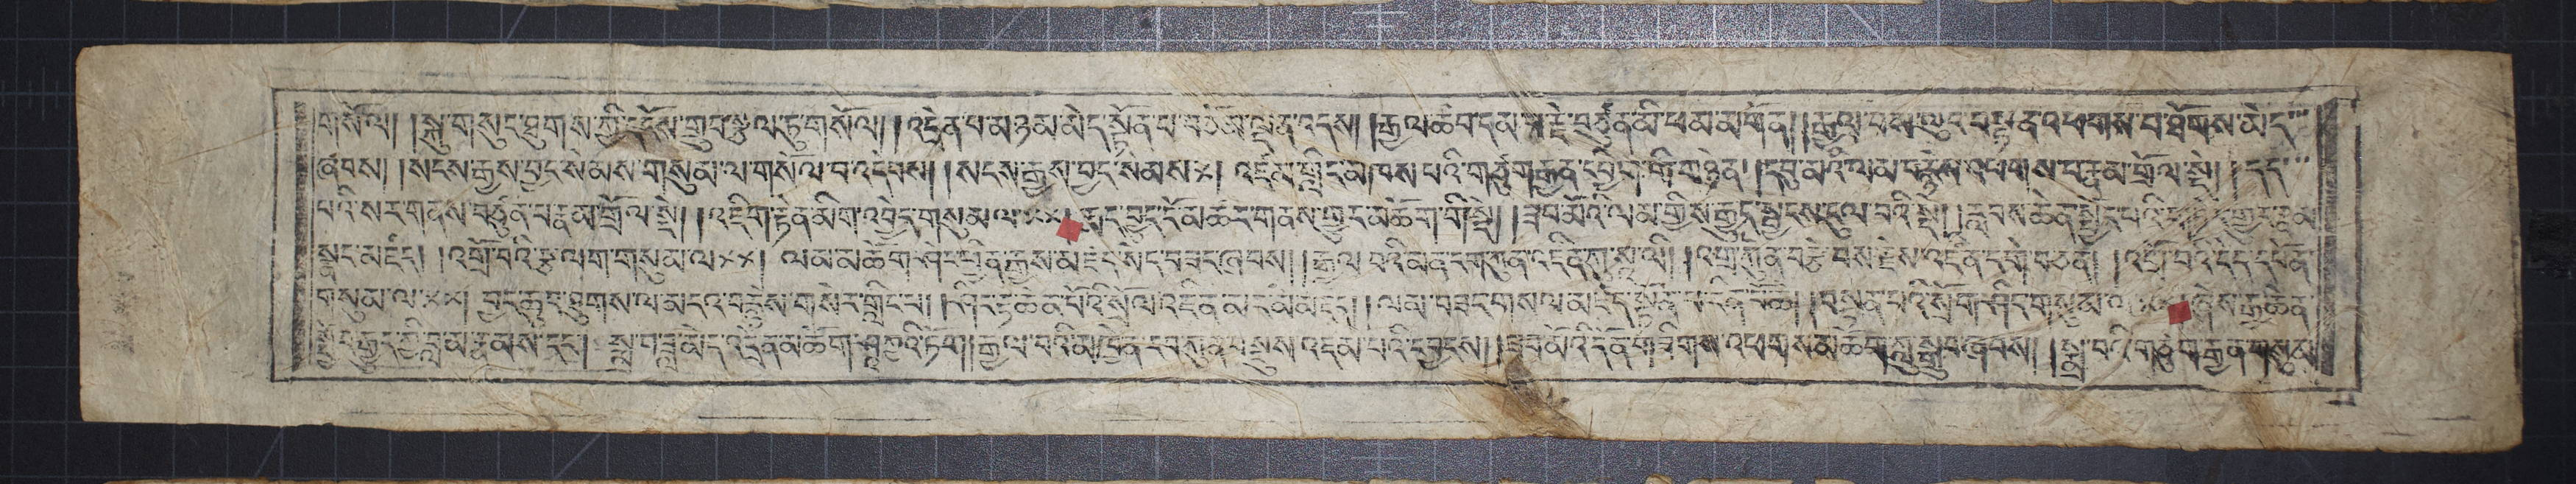གསོལ། །སྐུ་གསུང་ཐུགས་ཀྱི་དངོས་གྲུབ་སྩལ་ཏུ་གསོལ། །འདྲེན་པ་མཉམ་མེད་སྟོན་པ་བཅོམ་ལྡན་འདས། །རྒྱལ་ཚབ་དམ་པ་རྗེ་བཙུན་མི་ཕམ་མགོན། །རྒྱལ་བས་ལུང་བསྟན་འཕགས་པ་ཐོགས་མེད་
ཞབས། །སངས་རྒྱས་བྱང་སེམས་གསུམ་ལ་གསོལ་བ་འདེབས། །སངས་རྒྱས་བྱང་སེམས་྾། འཛམ་གླིང་མཁས་པའི་གཙུག་རྒྱན་དབྱིག་གི་གཉེན། །དབུ་མའི་ལམ་བརྙེས་འཕགས་པ་རྣམ་གྲོལ་སྡེ། །དད་
པའི་སར་གནས་བཙུན་པ་རྣམ་གྲོལ་སྡེ། །འཇིག་རྟེན་མིག་འབྱེད་གསུམ་ལ་྾྾། རྨད་བྱུང་ངོ་མཚར་གནས་གྱུར་མཆོག་གི་སྡེ། །ཟབ་མོའི་ལམ་གྱིས་རྒྱུད་སྦྱངས་དུལ་བའི་སྡེ། །རླབས་ཆེན་སྤྱོད་པའི་གཏེར་གྱུར་རྣམ་
སྣང་མཛད། །འགྲོ་བའི་རྩ་ལག་གསུམ་ལ་྾྾། ལམ་མཆོག་ཤེར་ཕྱིན་རྒྱས་མཛད་སེང་བཟང་ཞབས། །རྒྱལ་བའི་མན་ངག་ཀུན་འཛིན་ཀུ་སཱ་ལི། །འགྲོ་ཀུན་བརྩེ་བས་རྗེས་འཛིན་དགེ་བ་ཅན། །འགྲོ་བའི་དེད་དཔོན་
གསུམ་ལ་྾྾། བྱང་ཆུབ་ཐུགས་ལ་མངའ་བརྙེས་གསེར་གླིང་པ། །ཤིང་རྟ་ཆེན་པོའི་སྲོལ་འཛིན་མར་མེ་མཛད། །ལམ་བཟང་གསལ་མཛད་སྟོན་པ་རིན་པོ་ཆེ། །བསྟན་པའི་སྲོག་ཤིང་གསུམ་ལ་྾྾། ཞེས་རྒྱ་ཆེན་
སྤྱོད་རྒྱུད་ཀྱི་བླ་མ་རྣམས་དང་། སྨྲ་བ་ཟླ་མེད་འདྲེན་མཆོག་ཤཱཀྱའི་ཏོག །རྒྱལ་བའི་མཁྱེན་རབ་ཀུན་བསྡུས་འཇམ་པའི་དབྱངས། །ཟབ་མོའི་དོན་གཟིགས་འཕགས་མཆོག་ཀླུ་སྒྲུབ་ཞབས། །སྨྲ་བའི་གཙུག་རྒྱན་གསུམ་